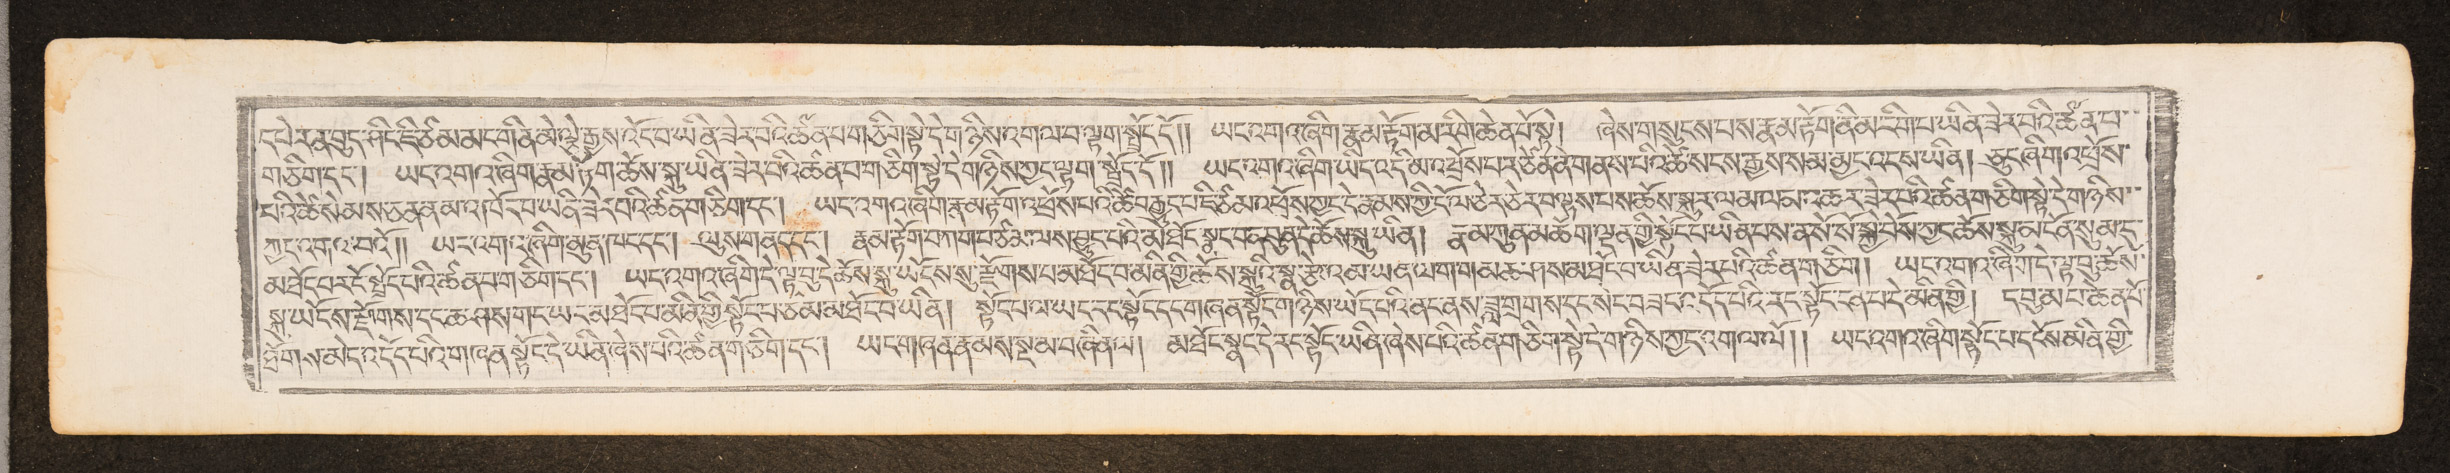དཔེར་ན་བུད་ཤིང་ཇི་ཙམ་མང་གིན་མེ་ལྕེ་རྒྱས་འོད་བ་ཡིན་ཟེར་བའི་ཚན་པག་ཅིག་སྟེ་དེ་གཉིས་འགལ་བ་ལྟག་སྤྲོང་དོ།། ཡང་འགའ་ཞིག་རྣམ་རྟོག་མ་རིག་ཆེན་པོ་སྟེ། ཞེས་གསུངས་པས་རྣམ་རྟོག་ནི་མ་རིག་པ་ཡིན་ཟེར་བའི་ཚན་པ་
གཅིག་དང་། ཡང་འགའ་ཞིག་རྣམ་རྟོག་ཆོས་སྐུ་ཡིན་ཟེར་བའི་ཚན་པ་གཅིག་སྟེ་དེ་གཉིས་ཀྱང་ལྟག་སྦྲོད་དོ།། ཡང་འགའ་ཞིག་ཡིད་འདི་མ་འཕྲོས་པར་ཙེན་ནེ་གནས་པའི་ཚེ་སངས་རྒྱས་སམ་མྱང་འདས་ཡིན། ཅུང་ཞིག་འཕྲོས་
པའི་ཚེ་སེམས་ཅན་ནམ་འཁོར་བ་ཡིན་ཟེར་བའི་ཚན་གཅིག་དང་། ཡང་འགའ་ཞིག་རྣམ་རྟོག་འཕྲོས་པའི་ཚེ་བརྒྱུད་པ་ཇི་ཙམ་འཕོས་ཀྱང་དེ་རྣམས་ཀྱི་ངོ་ལ་ཅེར་ཅེར་བལྟས་པས་ཆོས་སྐུར་ལམ་ལམ་འཆར་ཟེར་བའི་ཚན་གཅིག་སྟེ་དེ་གཉིས་
ཀྱང་འགལ་བའོ།། ཡང་འགའ་ཞིག་མུན་ཁང་དང་། ལུས་གནད་དང་། རྣམ་རྟོག་བཀག་པ་ཙམ་ལས་བྱུང་པའི་མཐོང་སྣང་བ་ན་བུན་དེ་ཆོས་སྐུ་ཡིན། རྣམ་ཀུན་མཆོག་ལྡན་གྱི་སྟོང་པ་ཡིན་པས་ན་སོ་སོ་སྐྱེ་བོས་ཀྱང་ཆོས་སྐུ་མངོན་སུམ་དུ་
མཐོང་བར་རོ་ངོ་སྤྲོད་པའི་ཚན་པ་གཅིག་དང་། ཡང་འགའ་ཞིག་དེ་ལྟ་བུ་དེ་ཆོས་སྐུ་ཡོངས་སུ་རྫོགས་པ་མཐོང་བ་མིན་གྱི་ཆོས་སྐུའི་སྣ་རྩེ་འམ་ཡན་ལག་གམ་ཆ་ཤས་མཐོང་བ་ཡིན་ཟེར་བའི་ཚན་གཅིག། ཡང་འགའ་ཞིག་དེ་ལྟ་བུ་ཆོས་
སྐུ་ཡོངས་རྫོགས་དང་ཆ་ཤས་གང་ཡང་མཐོང་བ་མིན་གྱི་སྟོང་པ་ཙམ་མཐོང་བ་ཡིན། སྟོང་པ་ལ་ཡང་རང་སྟོང་དང་བཞན་སྟོང་གཉིས་ཡོད་པའི་ནང་ནས་ཟླ་གྲགས་དང་སེང་བཟང་འདོད་པའི་རང་སྟོང་ངན་པ་དེ་མིན་གྱི། དབུ་མ་པ་ཆེན་པོ་
ཐོགས་མེད་འདོད་པའི་གཞན་སྟོང་དེ་ཡིན་ཞེས་པའི་ཚན་གཅིག་དང་། ཡང་གཞན་རྣམས་སྔ་མ་བཞིན་ལ། མཐོང་སྣང་དེ་རང་སྟོང་ཡིན་ཞེས་པའི་ཚན་གཅིག་སྟེ་དེ་གཉིས་ཀྱང་འགལ་ལོ།། ཡང་འགའ་ཞིག་སྟོང་པ་དངོས་མིན་གྱི་